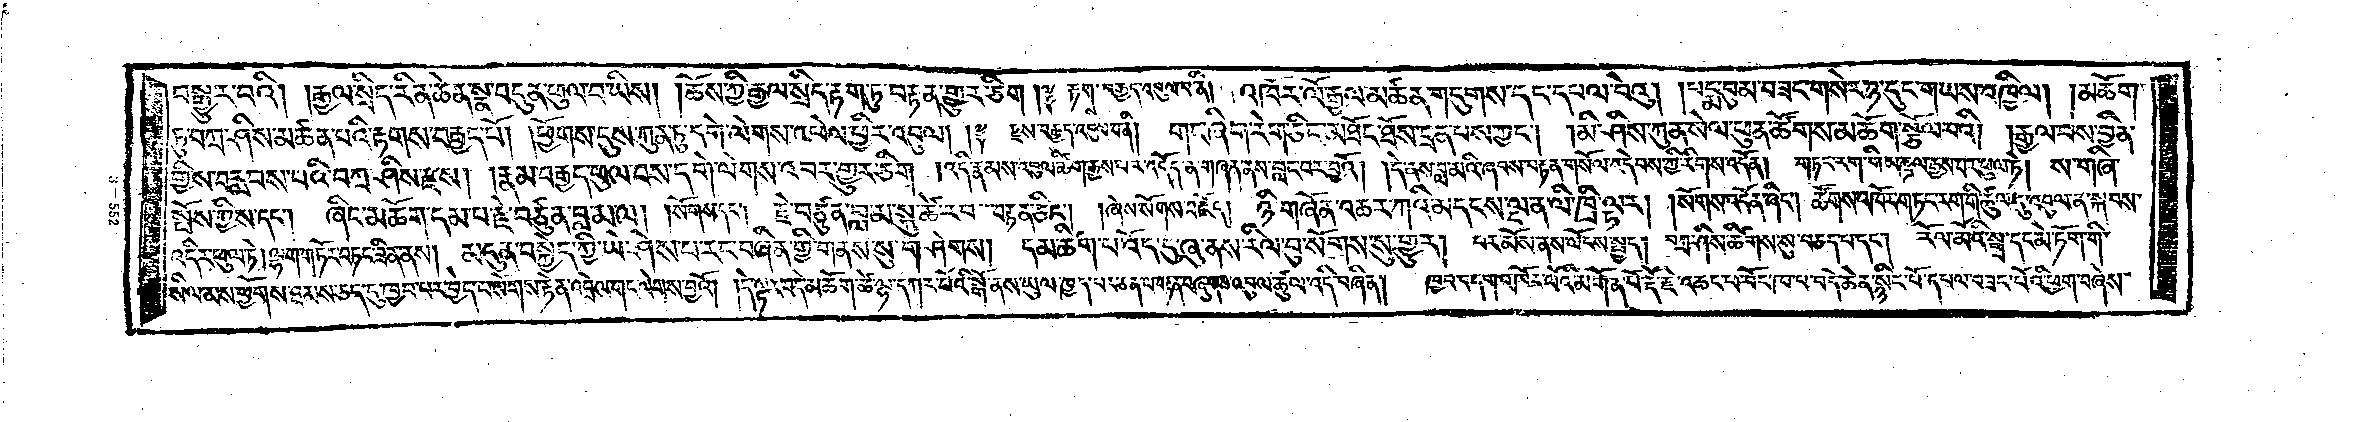བསྒྱུར་བའི། །རྒྱལ་སྲིད་རིན་ཆེན་སྣ་བདུན་ཕུལ་བ་ཡིས། །ཆོས་ཀྱི་རྒྱལ་སྲིད་རྟག་ཏུ་བརྟན་གྱུར་ཅིག ། ༈ རྟགས་བརྒྱད་འབུལ་བ་ནི།  འཁོར་ལོ་རྒྱལ་མཚན་གདུགས་དང་དཔལ་བེའུ། །པདམ་བུམ་བཟང་གསེར་ཉ་དུང་གཡས་འཁྱིལ། །མཆོག་
ཏུ་བཀྲ་ཤིས་མཚན་པའི་རྟགས་བརྒྱད་པོ། །ཕྱོགས་དུས་ཀུན་ཏུ་དགེ་ལེགས་འཕེལ་ཕྱིར་འབུལ། ། ༈ རྫས་བརྒྱད་འདུལ་བ་ནི།  གང་ཞིག་རེག་ཅིང་མཐོང་ཐོས་དྲན་པས་ཀྱང་། །མི་ཤིས་ཀུན་སེལ་ཕུན་ཚོགས་མཆོག་སྩོལ་བའི། །རྒྱལ་བས་བྱིན་
གྱིས་བརླབས་པའི་བཀྲ་ཤིས་རྫས། །རྣམ་བརྒྱད་ཕུལ་བས་དགེ་ལེགས་འབར་གྱུར་ཅིག་།འདི་རྣམས་འབུལ་ཚིག་རྒྱས་པར་འདོད་ན་གཞན་ནས་བླང་བར་བྱའོ། །དེ་ནས་བླ་མའི་ཞབས་བརྟན་གསོལ་འདེབས་ཀྱི་རིགས་འདོན། གཏང་རག་གི་མཎྜལ་རྒྱས་བར་ཕུལ་ཏེ།  ས་གཞི་
སྤོས་གྱིས་དང་། ཞིང་མཆོག་དམ་པ་རྗེ་བཙུན་བླ་མ་ལ། །སོགས་དང་།  རྗེ་བཙུན་བླ་མ་སྐུ་ཚེ་རབ་བརྟན་ཅིང་། །ཞེས་སོགས་བརྗོད།  ཉི་གཞོན་འཆར་ཀའི་མདངས་ལྡན་ལི་ཁྲི་ལྟར། །སོགས་འདོན་ཞིང་། ཚོགས་འཁོར་གཏང་རག་གི་ཚུལ་དུ་འབུལ་ན་སྐབས་
འདིར་ཕུལ་ཏེ། ལྷག་གཏོར་བཏང་ཟིན་ནས། མདུན་བསྐྱེད་ཀྱི་ཡེ་ཤེས་པ་རང་བཞིན་གྱི་གནས་སུ་གཤེགས། དམ་ཚིག་པ་འོད་དུ་ཞུ་ནས་རིལ་བུ་སོགས་སུ་གྱུར། པར་མོས་ནས་ལོངས་སྤྱད། བཀྲ་ཤིས་ཚིགས་སུ་བཅད་པ་དང་། རོལ་མོའི་སྒྲ་དང་མེ་ཏོག་གི་
སིལ་མས་ཕྱོགས་ཐམས་ཅད་དུ་ཁྱབ་པར་བྱེད་བ་སོགས་རྟེན་འབྲེལ་གང་ལེགས་བྱའོ། །དེ་ལྟར་བདེ་མཆོག་ཚེ་ལྷ་དཀར་པོའི་སྒོ་ནས་ཡུལ་ཁྱད་པར་ཅན་ལ་བརྟན་བཞུགས་འབུལ་ཚུལ་འདི་བཞིན། ཁྱབ་བདག་འཁོར་ལོའི་མགོན་པོ་རྡོ་རྗེ་འཆང་ཕ་བོང་ཁ་པ་བདེ་ཆེན་སྙིང་པོ་དཔལ་བཟང་པོའི་ཕྱག་བཞེས་